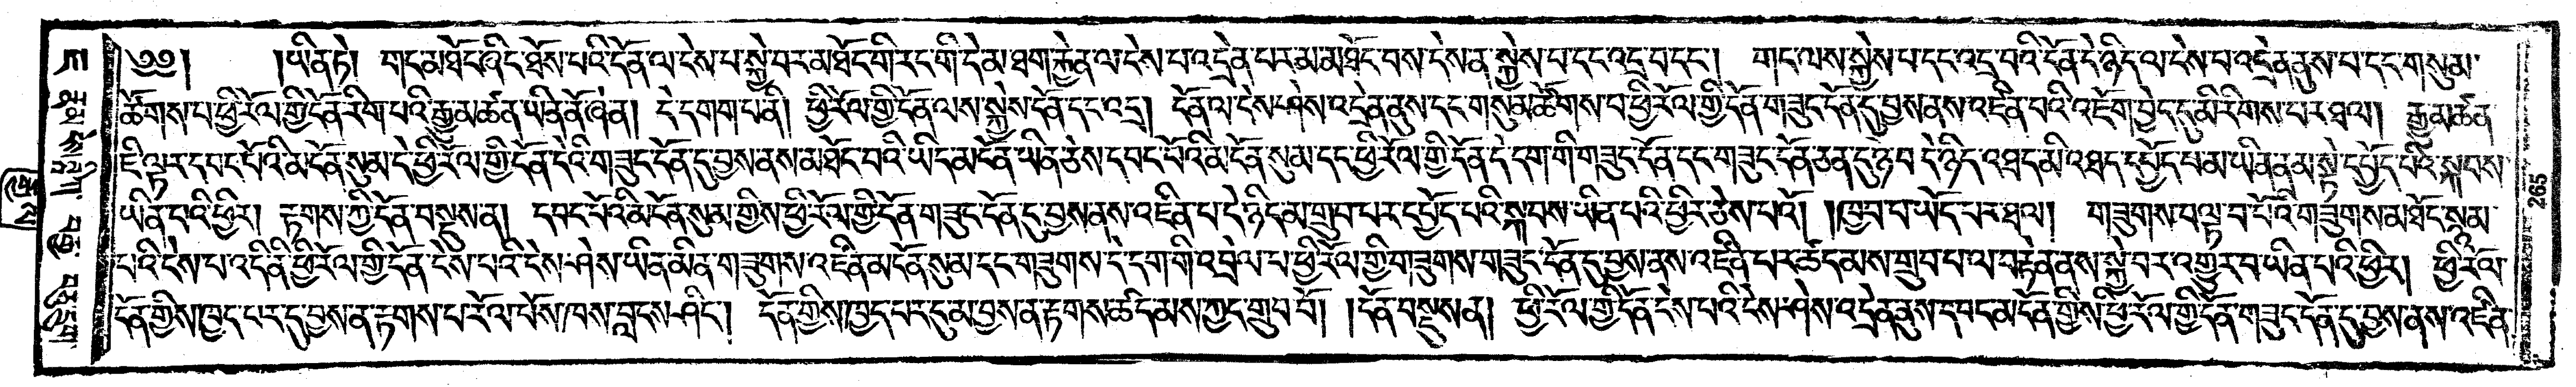༄༅། །ཡིན་ཏེ། གང་མཐོང་ཞིང་ཐོས་པའི་དོན་ལ་ངེས་པ་སྐྱེ་བར་མཐོང་གི་རང་གི་དེ་མ་ཐག་རྐྱེན་ལ་ངེས་པ་འདྲེན་པར་མ་མཐོང་བས་དེས་ན་སྐྱེས་པ་དང་འདྲ་བ་དང་། གང་ལས་སྐྱེས་པ་དང་འདྲ་བའི་དོན་དེ་ཉིད་ལ་ངེས་པ་འདྲེན་ནུས་པ་དང་གསུམ་
ཚོགས་པ་ཕྱི་རོལ་གྱི་དོན་རིག་པའི་རྒྱུ་མཚན་ཡིན་ནོ་ཞེ་ན། དེ་དགག་པ་ནི། ཕྱི་རོལ་གྱི་དོན་ལས་སྐྱེས་དོན་དང་འདྲ། དོན་ལ་ངེས་ཤེས་འདྲེན་ནུས་དང་གསུམ་ཚོགས་པ་ཕྱི་རོལ་གྱི་དོན་གཟུང་དོན་དུ་བྱས་ནས་འཛིན་པའི་འཇོག་བྱེད་དུ་མི་རིགས་པར་ཐལ། རྒྱུ་མཚན་
ཇི་ལྟར་དབང་པོའི་མངོན་སུམ་དེ་ཕྱི་རོལ་གྱི་དོན་དེའི་གཟུང་དོན་དུ་བྱས་ནས་མཐོང་བའི་ཡིད་མངོན་ཡིན་ཅེས་དབང་པོའི་མངོན་སུམ་དང་ཕྱི་རོལ་གྱི་དོན་དེ་དག་གི་གཟུང་དོན་དང་གཟུང་དོན་ཅན་དུ་ཉེ་བ་དེ་ཉིད་འཐད་མི་འཐད་དཔྱོད་པ་མ་ཡིན་ནམ་སྟེ་དཔྱོད་པའི་སྐབས་
ཡིན་པའི་ཕྱིར། རྟགས་ཀྱི་དོན་བསྡུས་ན། དབང་པོའི་མངོན་སུམ་གྱིས་ཕྱི་རོལ་གྱི་དོན་གཟུང་དོན་དུ་བྱས་ནས་འཛིན་པ་དེ་ཉིད་མ་གྲུབ་པར་དཔྱོད་པའི་སྐབས་ཡིན་པའི་ཕྱིར་ཅེས་པའོ། །ཁྱབ་པ་ཡོད་པར་ཐལ། གཟུགས་བལྟ་བ་པོའི་གཟུགས་མཐོང་སྙམ་
པའི་ངེས་པ་འདི་ནི་ཕྱི་རོལ་གྱི་དོན་ངེས་པའི་ངེས་ཤེས་ཡིན་མིན་གཟུགས་འཛིན་མངོན་སུམ་དང་གཟུགས་དེ་དག་གི་འབྲེལ་པ་ཕྱི་རོལ་གྱི་གཟུགས་གཟུང་དོན་དུ་བྱས་ནས་འཛིན་པར་ཚད་མས་གྲུབ་པ་ལ་བརྟེན་ནས་སྐྱེ་བར་འགྱུར་བ་ཡིན་པའི་ཕྱིར། ཕྱི་རོལ་
དོན་གྱིས་ཁྱད་པར་དུ་བྱས་ན་རྟགས་པ་རོལ་པོས་ཁས་བླངས་ཤིང་། དོན་གྱིས་ཁྱད་པར་དུ་མ་བྱས་ན་རྟགས་ཚད་མས་ཀྱང་གྲུབ་བོ། །དོན་བསྡུས་ན། ཕྱི་རོལ་གྱི་དོན་ངེས་པའི་ངེས་ཤེས་འདྲེན་ནུས་དབང་མངོན་གྱིས་ཕྱི་རོལ་གྱི་དོན་གཟུང་དོན་དུ་བྱས་ནས་འཛིན་